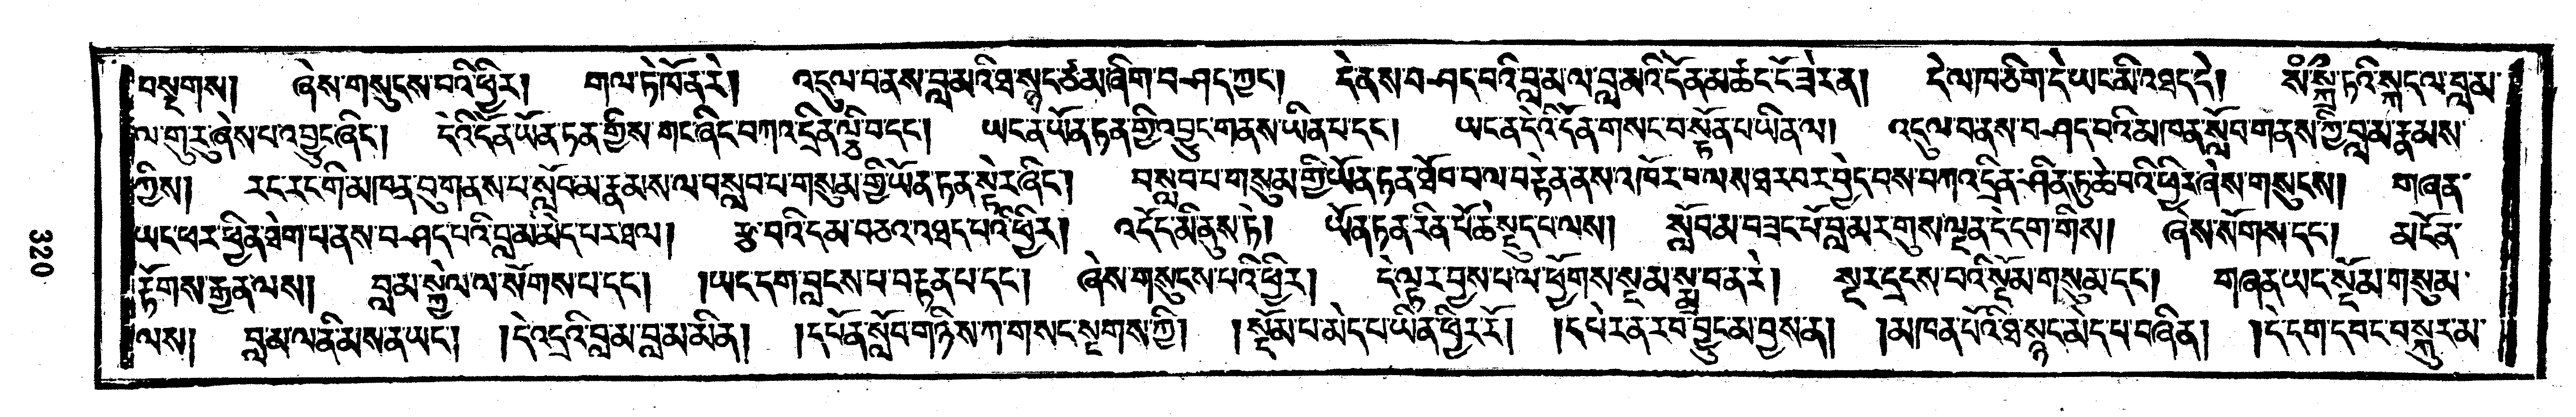བསྔགས། ཞེས་གསུངས་བའི་ཕྱིར། གལ་ཏེ་ཁོ་ན་རེ། འདུལ་བ་ནས་བླ་མའི་ཐ་སྙད་ཙམ་ཞིག་བཤད་ཀྱང་། དེ་ནས་བཤད་བའི་བླ་མ་ལ་བླ་མའི་དོན་མཚང་ངོ་ཟེར་ན། དེ་ལ་ཁ་ཅིག་དེ་ཡང་མི་འཐད་དེ། སཾ་སྐྲྀ་ཏའི་སྐད་ལ་བླ་མ་
ལ་གུ་རུ་ཞེས་པ་འབྱུང་ཞིང་། དེའི་དོན་ཡོན་ཏན་གྱིས་གང་ཞིང་བཀའ་དྲིན་ལྕི་བ་དང་། ཡང་ན་ཡོན་ཏན་གྱི་འབྱུང་གནས་ཡིན་པ་དང་། ཡང་ན་དེའི་དོན་གསང་བ་སྟོན་པ་ཡིན་ལ། འདུལ་བ་ནས་བཤད་པའི་མཁན་སློབ་གནས་ཀྱི་བླ་མ་རྣམས་
ཀྱིས། རང་རང་གི་མཁན་བུ་གནས་པ་སློབ་མ་རྣམས་ལ་བསླབ་པ་གསུམ་གྱི་ཡོན་ཏན་སྟེར་ཞིང་། བསླབ་པ་གསུམ་གྱི་ཡོན་ཏན་ཐོབ་བ་ལ་བརྟེན་ནས་འཁོར་བ་ལས་ཐར་བར་བྱེད་པས་བཀའ་དྲིན་ཤིན་ཏུ་ཆེ་བའི་ཕྱིར་ཞེས་གསུངས། གཞན་
ཡང་ཕར་ཕྱིན་ཐེག་པ་ནས་བཤད་པའི་བླ་མ་མེད་པར་ཐལ། རྩ་བའི་དམ་བཅའ་འཐད་པའི་ཕྱིར། འདོད་མི་ནུས་ཏེ། ཡོན་ཏན་རིན་པོ་ཆེ་སྡུད་པ་ལས། སློབ་མ་བཟང་པོ་བླ་མར་གུས་ལྡན་དེ་དག་གིས། ཞེས་སོགས་དང་། མངོན་
རྟོགས་རྒྱན་ལས། བླ་མ་སྐྱེལ་ལ་སོགས་པ་དང་། །ཡང་དག་བླངས་པ་བརྟན་པ་དང་། ཞེས་གསུངས་པའི་ཕྱིར། དེ་ལྟར་བྱས་པ་ལ་ཕྱོགས་སྔ་མ་སྨྲ་བ་ན་རེ། སྔར་དྲངས་པའི་སྡོམ་གསུམ་དང་། གཞན་ཡང་སྡོམ་གསུམ་
ལས། བླ་མ་ལ་ནི་མས་ན་ཡང་། །དེ་འདྲའི་བླ་མ་བླ་མ་མིན། །དཔོན་སློབ་གཉིས་ཀ་གསང་སྔགས་ཀྱི། །སྡོམ་པ་མེད་པ་ཡིན་ཕྱིར་རོ། །དཔེར་ན་རབ་བྱུང་མ་བྱས་ན། །མཁན་པོའི་ཐ་སྙད་མེད་པ་བཞིན། །དེ་དག་དབང་བསྐུར་མ་